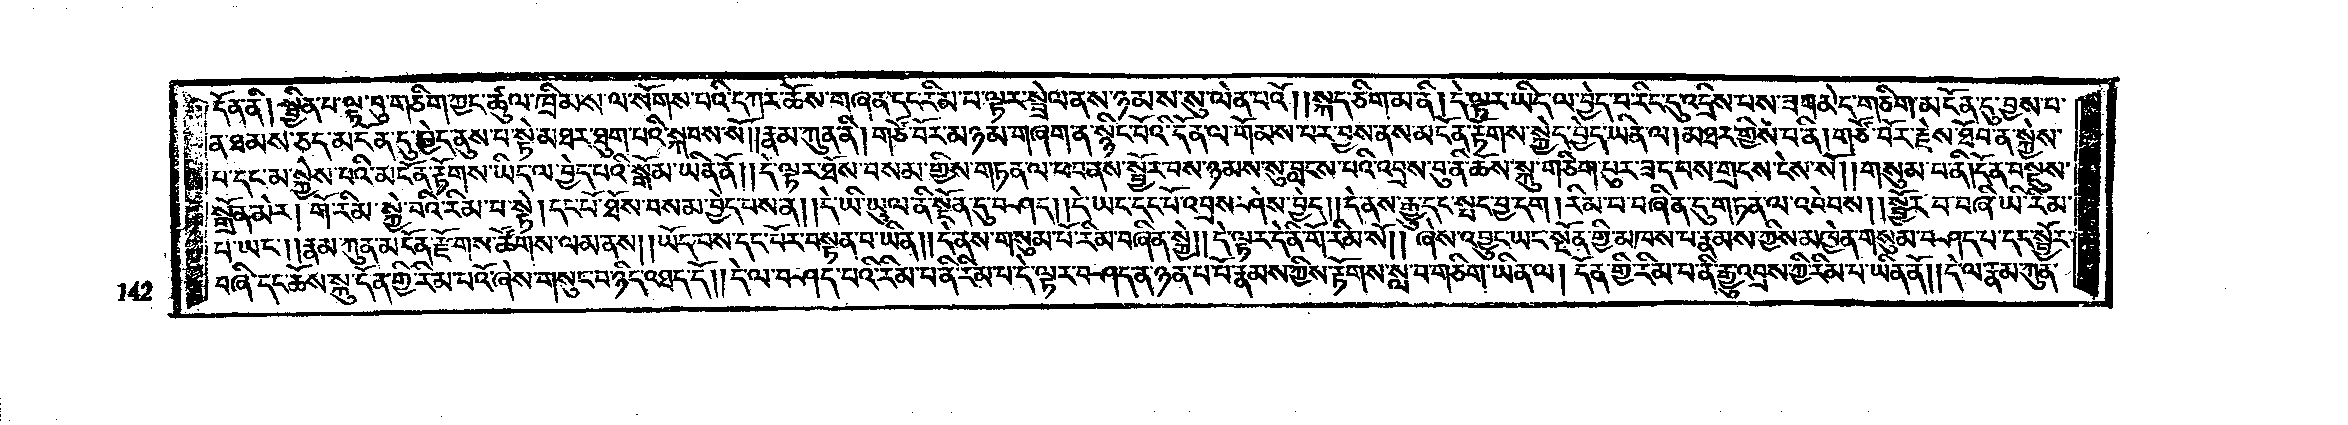དོན་ནི། སྦྱིན་པ་ལྟ་བུ་གཅིག་ཀྱང་ཚུལ་ཁྲིམས་ལ་སོགས་པའི་དཀར་ཆོས་གཞན་དང་རིམ་པ་ལྟར་སྦྲེལ་ནས་ཉམས་སུ་ལེན་པའོ། །སྐད་ཅིག་མ་ནི། དེ་ལྟར་ཡིད་ལ་བྱེད་པ་རིང་དུ་འདྲིས་པས་ཟག་མེད་གཅིག་མངོན་དུ་བྱས་པ་
ན་ཐམས་ཅད་མངོན་དུ་བྱེད་ནུས་པ་སྟེ་མཐར་ཐུག་པའི་སྐབས་སོ། །རྣམ་ཀུན་ནི། གཙོ་བོར་མཉམ་གཞག་ན་སྙིང་པོའི་དོན་ལ་གོམས་པར་བྱས་ནས་མངོན་རྟོགས་སྐྱེད་བྱེད་ཡིན་ལ། མཐར་གྱིས་པ་ནི། གཙོ་བོར་རྗེས་ཐོབ་ན་སྐྱེས་
པ་དང་མ་སྐྱེས་པའི་མངོན་རྟོགས་ཡིད་ལ་བྱེད་པའི་སྒོམ་ཡིན་ནོ། །དེ་ལྟར་ཐོས་བསམ་གྱིས་གཏན་ལ་ཕབ་ནས་སྦྱོར་བས་ཉམས་སུ་བླངས་པའི་འབྲས་བུ་ནི་ཆོས་སྐུ་གཅིག་པུར་ཟད་པས་གྲངས་ངེས་སོ། །གསུམ་པ་ནི། དོན་བསྡུས་
སྒྲོན་མེར། གོ་རིམ་སྐྱེ་བའི་རིམ་པ་སྟེ། དང་པོ་ཐོས་བསམ་བྱེད་པས་ན། །དེ་ཡི་ཡུལ་ནི་སྔོན་དུ་བཤད། །དེ་ཡང་དང་པོ་འབྲས་ཤེས་བྱེད། །དེ་ནས་རྒྱུ་དང་སྤང་བྱ་དག །རིམ་པ་བཞིན་དུ་གཏན་ལ་འབེབས། །སྦྱོར་བ་བཞི་ཡི་རིམ་
པ་ཡང་། །རྣམ་ཀུན་མངོན་རྫོགས་ཚོགས་ལམ་ནས། །ཡོད་པས་དང་པོར་བསྟན་པ་ཡིན། །དེ་ནས་གསུམ་པོ་རིམ་བཞིན་སྐྱེ། །དེ་ལྟར་དེ་ནི་གོ་རིམ་སོ། །ཞེས་འབྱུང་ཡང་སྔོན་གྱི་མཁས་པ་རྣམས་ཀྱིས་མཁྱེན་གསུམ་བཤད་པ་དང་སྦྱོར་
བཞི་དང་ཆོས་སྐུ་དོན་གྱི་རིམ་པའོ་ཞེས་གསུང་བ་ཉིད་འཐད་དོ། །དེ་ལ་བཤད་པའི་རིམ་པ་ནི་རིམ་པ་དེ་ལྟར་བཤད་ན་ཉན་པ་པོ་རྣམས་ཀྱིས་རྟོགས་སླ་བ་གཅིག་ཡིན་ལ། དོན་གྱི་རིམ་པ་ནི་རྒྱུ་འབྲས་ཀྱི་རིམ་པ་ཡིན་ནོ། །དེ་ལ་རྣམ་ཀུན་